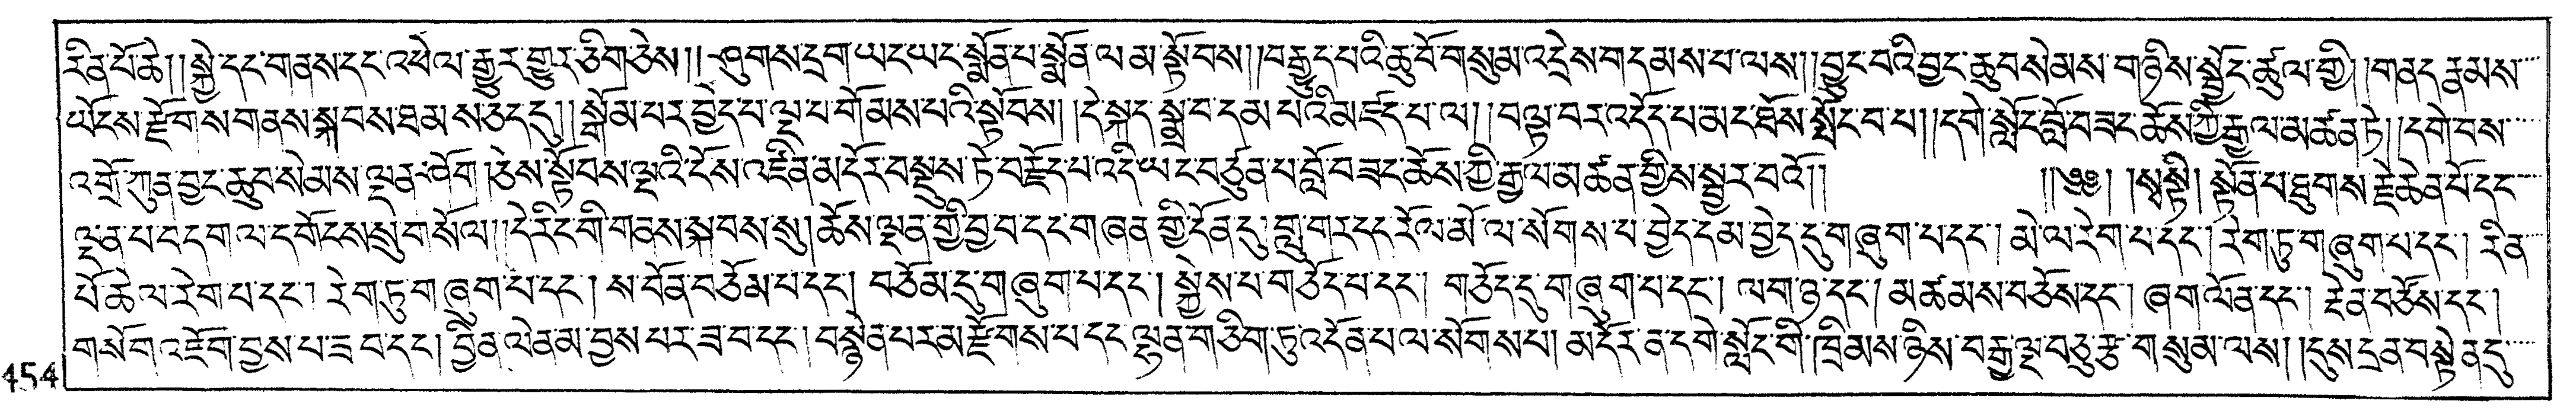རིན་པོ་ཆེ། །སྐྱེ་དང་གནས་དང་འཕེལ་རྒྱུར་གྱུར་ཅིག་ཅེས། །ཤུགས་དྲག་ཡང་ཡང་སྨོན་པ་སྨོན་ལམ་སྟོབས། །བརྒྱུད་པའི་ཆུ་བོ་གསུམ་འདྲེས་གདམས་པ་ལས། །བྱུང་བའི་བྱང་ཆུབ་སེམས་གཉིས་སྦྱོང་ཚུལ་གྱི། །གནད་རྣམས་
ཡོངས་རྫོགས་གནས་སྐབས་ཐམས་ཅད་དུ། །སྒོམ་པར་བྱེད་པ་ལྔ་པ་གོམས་པའི་སྟོབས། །དེ་སྐད་སྨྲ་བ་དམ་པའི་མཛད་པ་ལ། །བལྟ་བར་འདོད་པ་མང་ཐོས་སྤོང་བ་པ། །དགེ་སློང་བློ་བཟང་ཆོས་ཀྱི་རྒྱལ་མཚན་ཏེ། །དགེ་བས་
འགྲོ་ཀུན་བྱང་ཆུབ་སེམས་ལྡན་ཤོག །ཅེས་སྟོབས་ལྔའི་ངོས་འཛིན་མདོར་བསྡུས་ཏེ་བརྗོད་པ་འདི་ཡང་བཙུན་པ་བློ་བཟང་ཆོས་ཀྱི་རྒྱལ་མཚན་གྱིས་སྦྱར་བའོ།། །།༄༅། །སྭ་སྟི། སྟོན་པ་ཐུགས་རྗེ་ཆེན་པོ་དང་
ལྡན་པ་བདག་ལ་དགོངས་སུ་གསོལ། །དེ་རིང་གི་གནས་སྐབས་སུ། ཆོས་ལྡན་གྱི་བྱ་བ་དང་གཞན་གྱི་དོན་དུ། གླུ་གར་དང་རོལ་མོ་ལ་སོགས་པ་བྱེད་དམ་བྱེད་དུ་གཞུག་པ་དང་། མེ་ལ་རེག་པ་དང་། རེག་ཏུ་གཞུག་པ་དང་། རིན་
པོ་ཆེ་ལ་རེག་པ་དང་། རེག་ཏུ་གཞུག་པ་དང་། ས་བོན་བཅོམ་པ་དང་། བཅོམ་དུ་གཞུག་པ་དང་། སྐྱེས་པ་གཅོད་པ་དང་། གཅོད་དུ་གཞུག་པ་དང་། ལག་ཉ་དང་། མཚམས་བཅོས་དང་། ཞག་ལོན་དང་། རྔེན་བཙོས་དང་།
གསོག་འཇོག་བྱས་པ་ཟ་བ་དང་། བྱིན་ལེན་མ་བྱས་པར་ཟ་བ་དང་། བསྙེན་པར་མ་རྫོགས་པ་དང་ལྷན་གཅིག་ཏུ་འདོན་པ་ལ་སོགས་པ། མདོར་ན་དགེ་སློང་གི་ཁྲིམས་ཉིས་བརྒྱ་ལྔ་བཅུ་རྩ་གསུམ་ལས། །དུས་དྲན་བསྟེན་དུ་